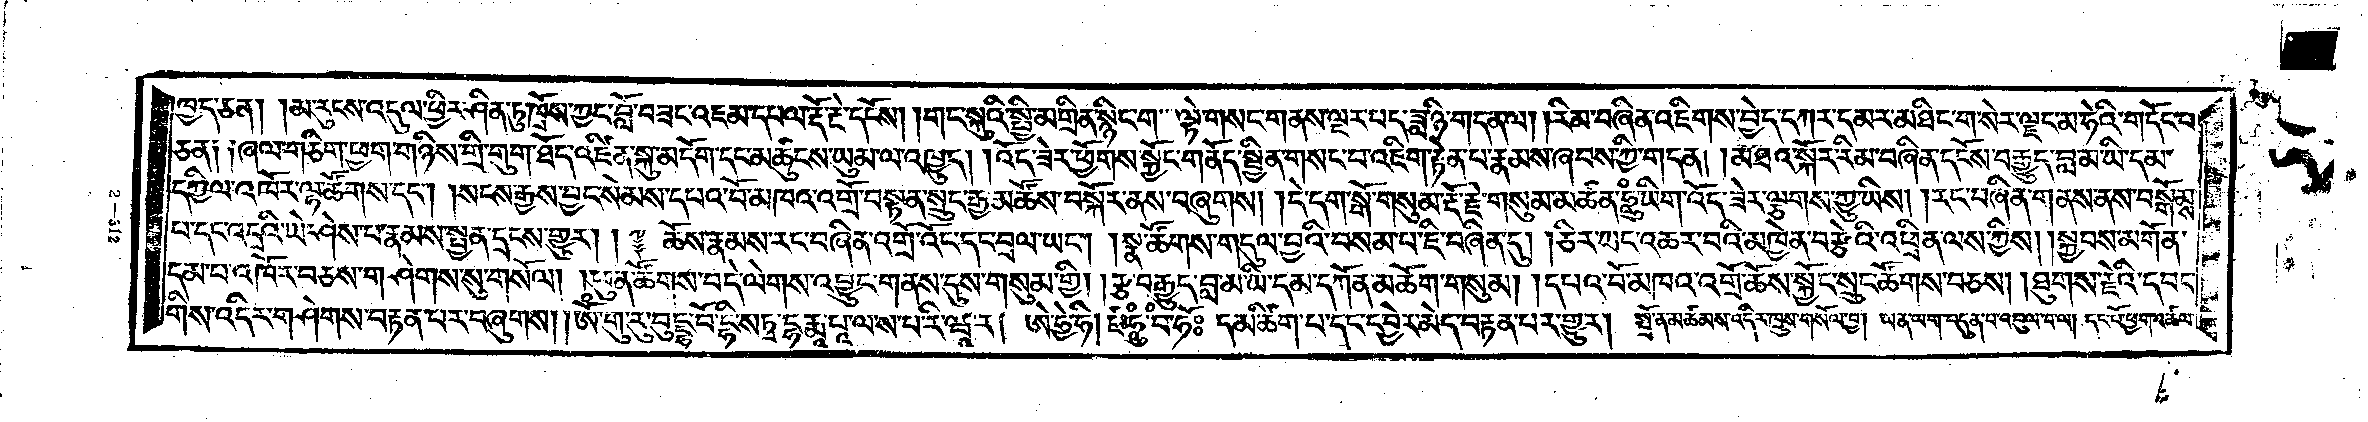ཁྱད་ཅན། །མ་རུངས་འདུལ་ཕྱིར་ཤིན་ཏུ་ཁྲོས་ཀྱང་བློ་བཟང་འཇམ་དཔལ་རྡོ་རྗེ་དངོས། །གང་སྐུའི་སྤྱི་མགྲིན་སྙིང་གས་ལྟེ་གསང་གནས་ལྔར་པད་ཟླ་ཉི་གདན་ལ། །རིམ་བཞིན་འཇིགས་བྱེད་དཀར་དམར་མཐིང་གསེར་ལྡང་མ་ཧེའི་གདོང་བ་
ཅན༑ ༑ཞལ་གཅིག་ཕྱག་གཉིས་གྲི་གུག་ཐོད་འཛིན་སྐུ་མདོག་དང་མཚུངས་ཡུམ་ལ་འཁྱུད། །འོད་ཟེར་ཕྱོགས་སྐྱོང་གནོད་སྦྱིན་གསང་བ་འཇིག་རྟེན་པ་རྣམས་ཞབས་ཀྱི་གདན། །མཐའ་སྐོར་རིམ་བཞིན་དངོས་བརྒྱུད་བླ་མ་ཡི་དམ་
དཀྱིལ་འཁོར་ལྷ་ཚོགས་དང་། །སངས་རྒྱས་བྱང་སེམས་དཔའ་བོ་མཁའ་འགྲོ་བསྟན་སྲུང་རྒྱ་མཚོས་བསྐོར་ནས་བཞུགས། །དེ་དག་སྒོ་གསུམ་རྡོ་རྗེ་གསུམ་མཚན་ཧཱུཾ་ཡིག་འོད་ཟེར་ལྕགས་ཀྱུ་ཡིས། །རང་བཞིན་གནས་ནས་བསྒོམས་
པ་དང་འདྲའི་ཡེ་ཤེས་པ་རྣམས་སྤྱན་དྲངས་གྱུར། །༈ ཆོས་རྣམས་རང་བཞིན་འགྲོ་འོང་དང་བྲལ་ཡང་། །སྣ་ཚོགས་གདུལ་བྱའི་བསམ་པ་ཇི་བཞིན་དུ། །ཅིར་ཡང་འཆར་བའི་མཁྱེན་བརྩེའི་འཕྲིན་ལས་ཀྱིས། །སྐྱབས་མགོན་
དམ་པ་འཁོར་བཅས་གཤེགས་སུ་གསོལ། །ཕུན་ཚོགས་བདེ་ལེགས་འབྱུང་གནས་དུས་གསུམ་གྱི། །རྩ་བརྒྱུད་བླ་མ་ཡི་དམ་དཀོན་མཆོག་གསུམ། །དཔའ་བོ་མཁའ་འགྲོ་ཆོས་སྐྱོང་སྲུང་ཚོགས་བཅས། །ཐུགས་རྗེའི་དབང་
གིས་འདིར་གཤེགས་བརྟན་པར་བཞུགས། །ཨོཾ་གུ་རུ་བུདྡྷ་བོ་དྷི་སཏྭ་དྷརྨཱ་པཱ་ལས་པ་རི་ཝཱ་ར། ཨེ་ཧྱེ་ཧི། ཛཿཧཱུཾ་བཾ་ཧོཿདམ་ཚིག་པ་དང་དབྱེར་མེད་བརྟན་པར་གྱུར། སྤྲོ་ན་མཚམས་འདིར་ཁྲུས་གསོལ་བྱ། ལན་ལག་བདུན་པ་འབུལ་བ་ལ། དང་པོ་ཕྱག་འཚལ་